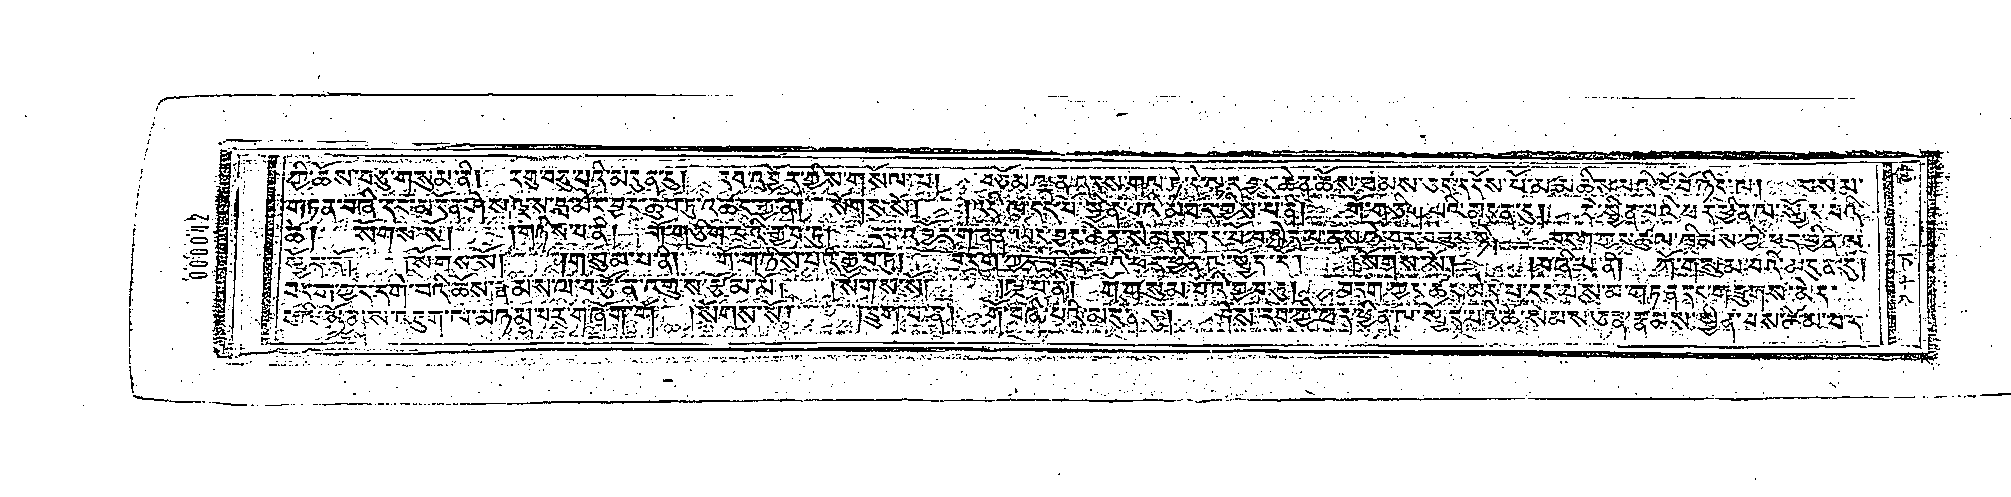ཀྱི་ཆོས་བཅུ་གསུམ་ནི། དགུ་བཅུ་པའི་མདུན་དུ། རབ་འབྱོར་གྱིས་གསོལ་པ། བཅོམ་ལྡན་འདས་གལ་ཏེ་དེ་ལྟར་བྱང་ཆེན་ཆོས་ཐམས་ཅད་དངོས་པོ་མ་མཆིས་པའི་ངོ་བོ་ཉིད་ལ། བསམ་
གཏན་བཞི་དང་མངོན་ཤེས་ལྔས་བླ་མེད་བྱང་ཆུབ་ཏུ་འཚང་རྒྱ་ན། སོགས་སོ། །འདི་ལ་དང་པོ་སྦྱིན་པའི་མཐར་གྱིས་པ་ནི། གོ་གཅིག་པའི་མདུན་དུ། དེ་སྦྱིན་པའི་ཕར་ཕྱིན་ལ་སྤྱོད་པའི་
ཚེ། སོགས་སོ། །གཉིས་པ་ནི། གོ་གཅིག་པའི་རྒྱབ་ཏུ། རབ་འབྱོར་གཞན་ཡང་བྱང་ཆེན་སེམས་དང་པོ་བསྐྱེད་པ་ནས་ཉེ་བར་བཟུང་སྟེ། བདག་ཀྱང་ཚུལ་ཁྲིམས་ཀྱི་ཕར་ཕྱིན་ལ་
སྤྱོད་དོ། །སོགས་སོ། །གསུམ་པ་ནི། གོ་གཉིས་པའི་རྒྱབ་ཏུ། བདག་ཀྱང་བཟོད་པའི་ཕར་ཕྱིན་ལ་སྦྱོད་དོ། །སོགས་སོ། །བཞི་པ་ནི། ཀོ་གསུམ་བའི་མདུན་དུ།
བདག་ཀྱང་དགེ་བའི་ཆོས་རྣམས་ལ་བརྩོན་འགྲུས་རྩོམ་མོ། །སོགས་སོ། །ལྔ་པ་ནི། གོ་གསུམ་པའི་རྒྱབ་ཏུ། བདག་ཀྱང་ཚད་མེད་པ་དང་བསམ་གཏན་དང་གཟུགས་མེད་
པའི་སྙོམས་འཇུག་ལ་མཉམ་པར་གཞོག་གོ །སོགས་སོ། །དྲུག་པ་ན། གོ་བཞི་པའི་མདུན་དུ། ཤེས་རབ་ཀྱི་ཕར་ཕྱིན་ལ་སྤྱོད་པའི་ཚེ་སེམས་ཅན་རྣམས་སྦྱིན་པས་ཚིམ་བར་